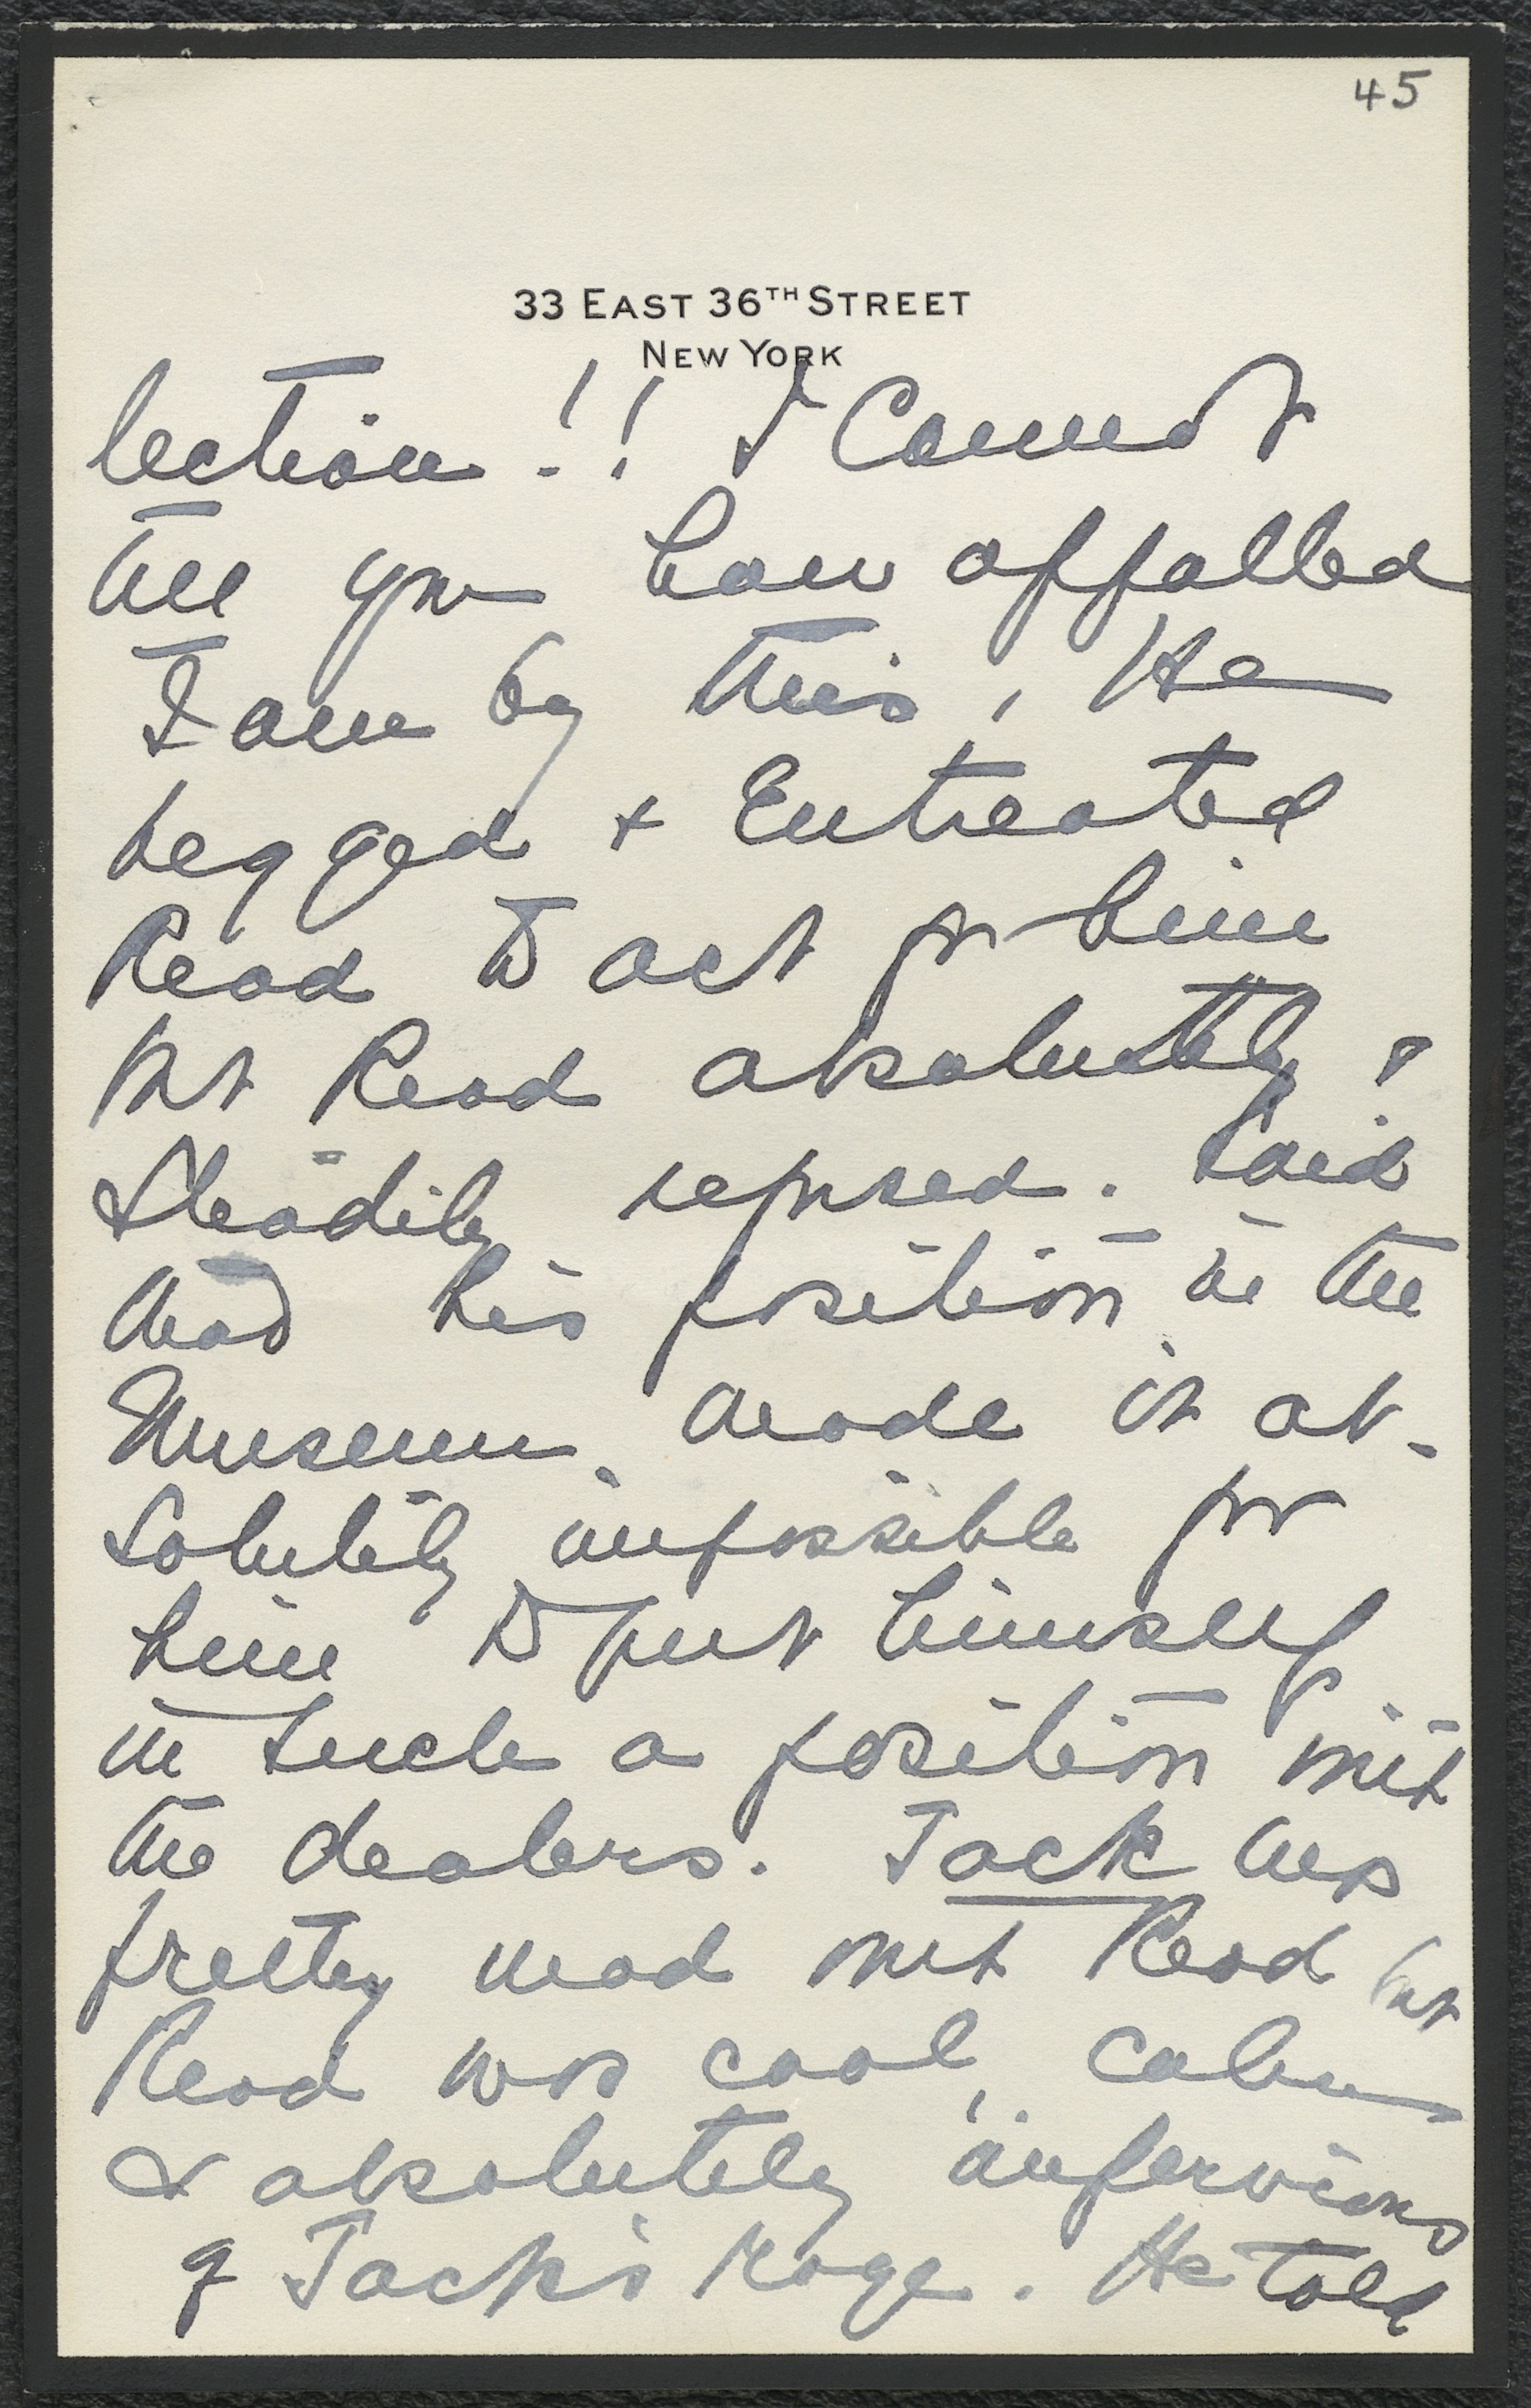I cannot tell you how appalled I am by this. He begged & entreated Read to act for him but Read absolutely & steadily refused. Said that his position in the Museum made it absolutely impossible for him to put himself in such a position with the dealers. Jack was pretty mad with Read but Read was cool, calm & absolutely impervious of Jack’s rage. He told